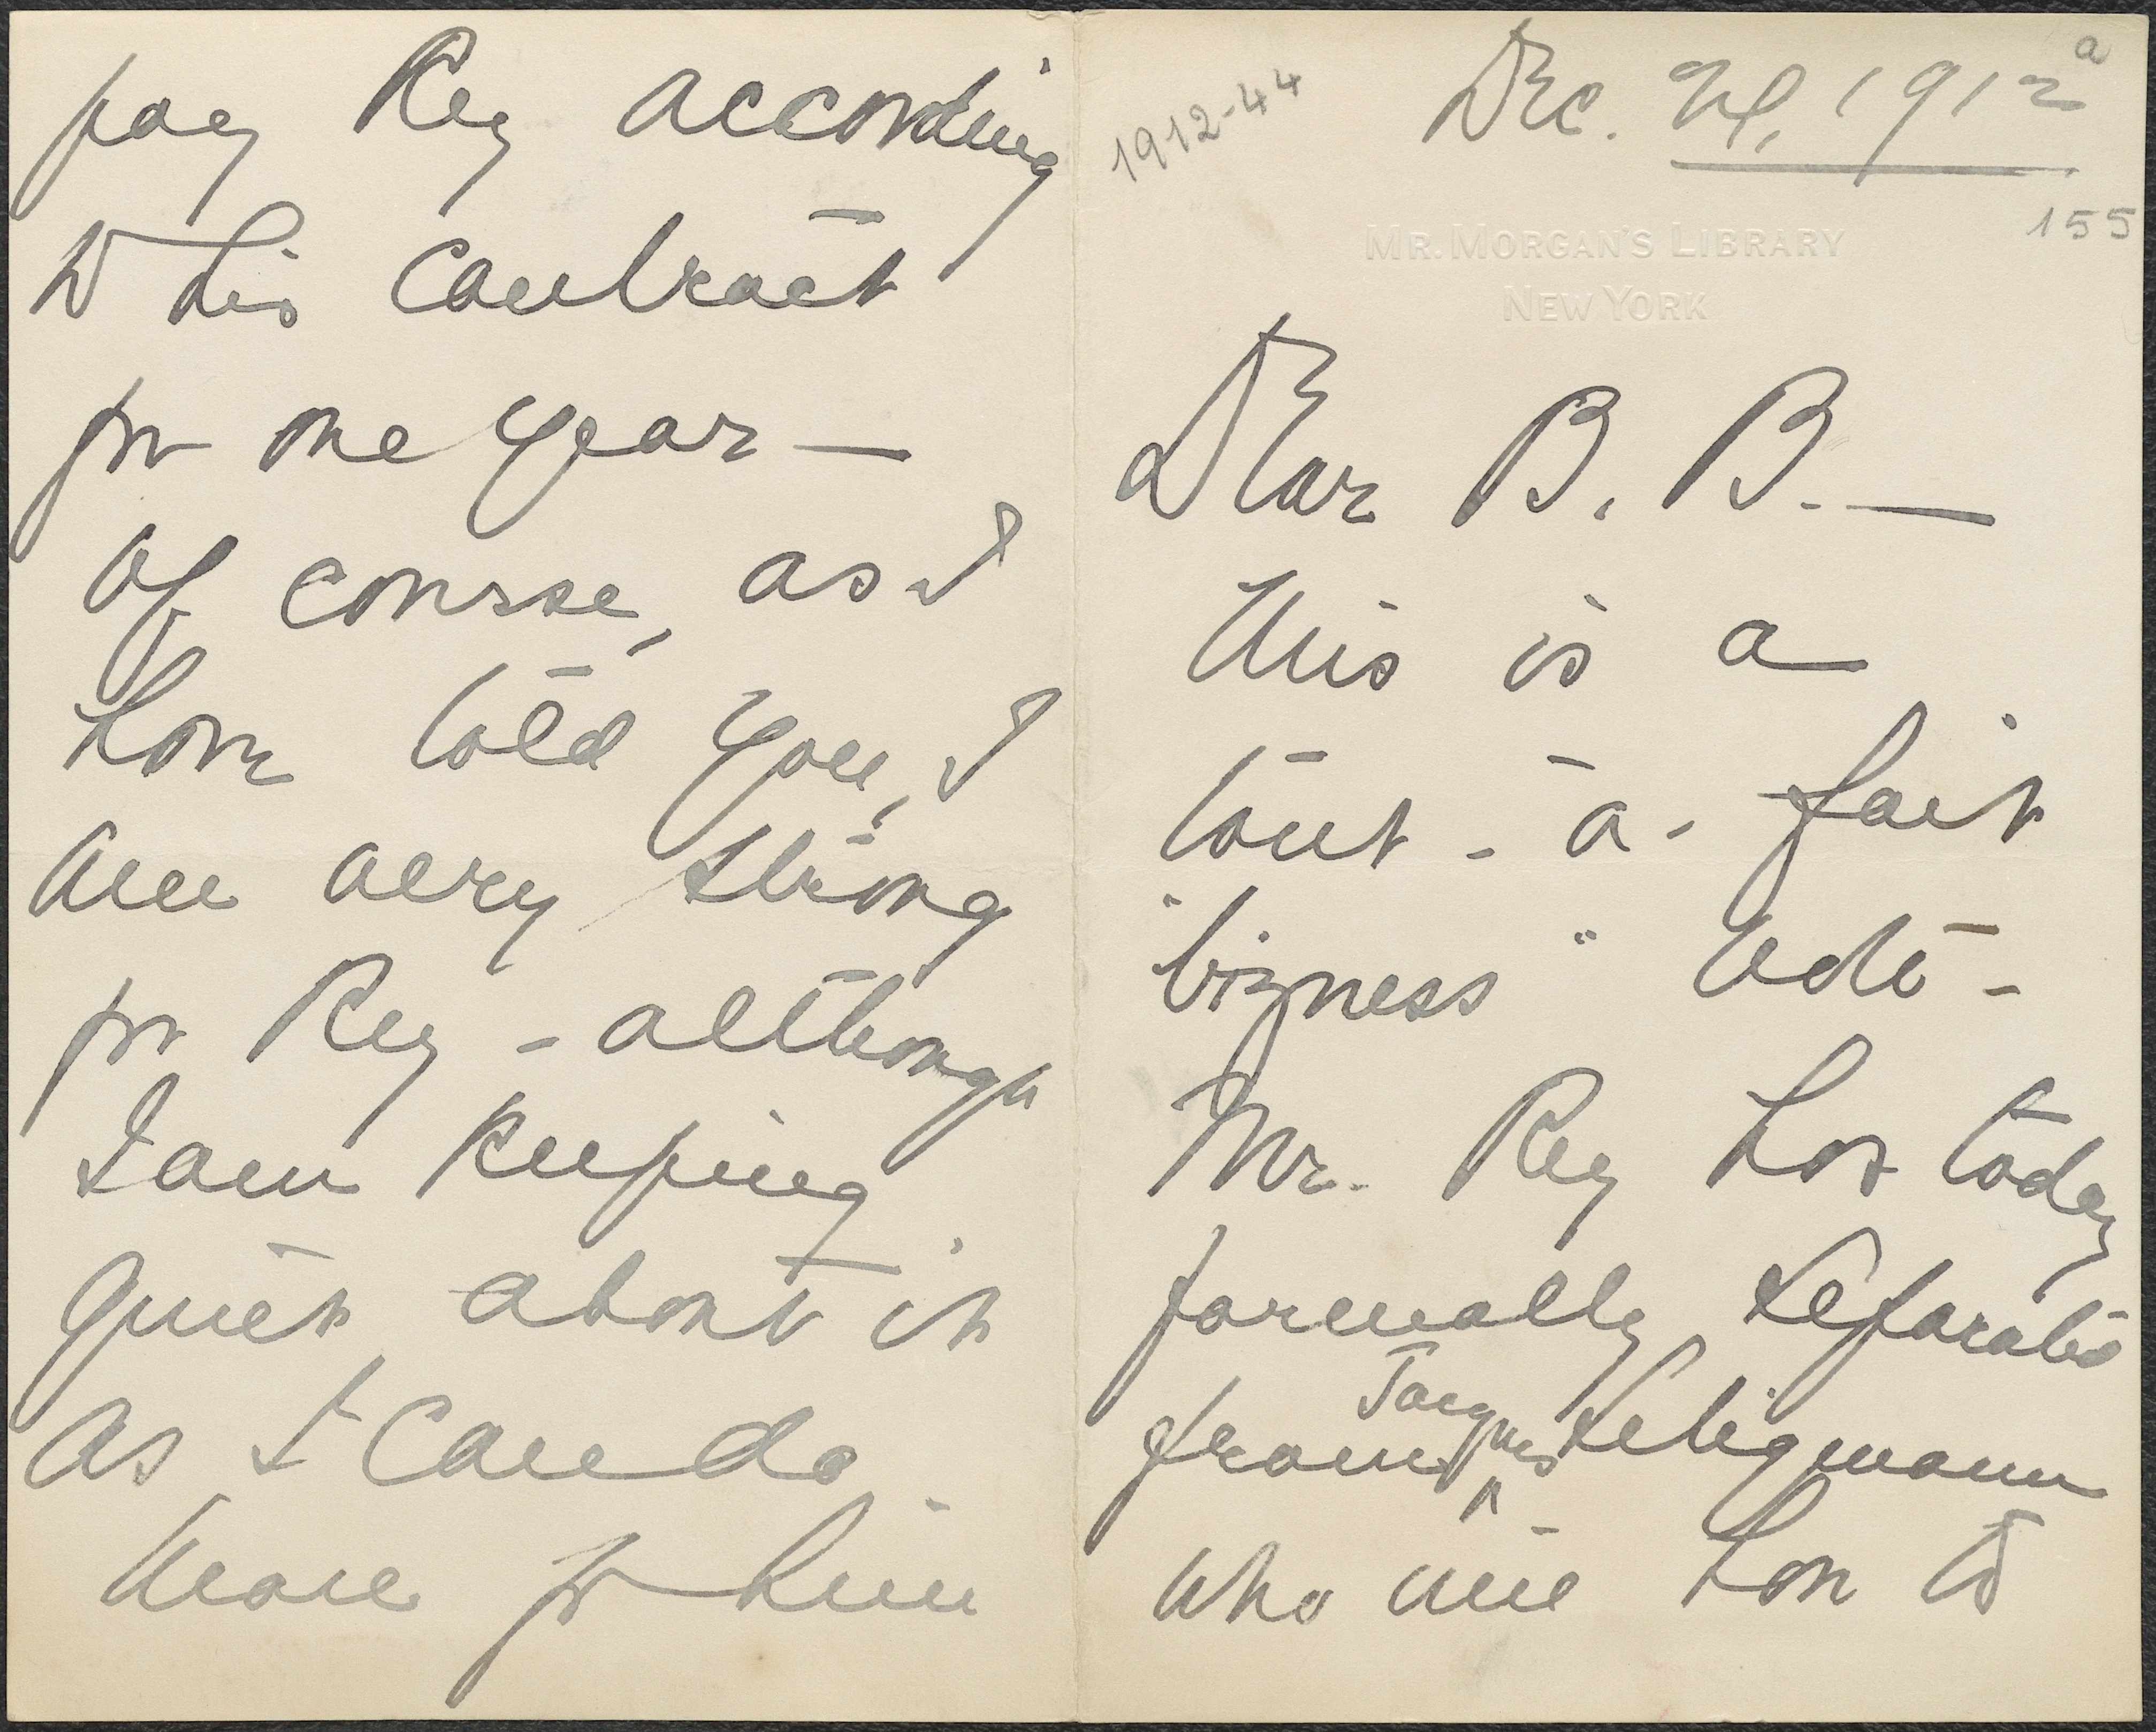Dec. 24, 1912
Dear B. B. –
This is a tout-à-fait “bizness” note – Mr. Rey has today formally separated from [^Jacques^] Seligmann who will have to
pay Rey according to his contract for one year – of course, as I have told you, I am very strong for Rey – although I am keeping quiet about it as I can do more for him